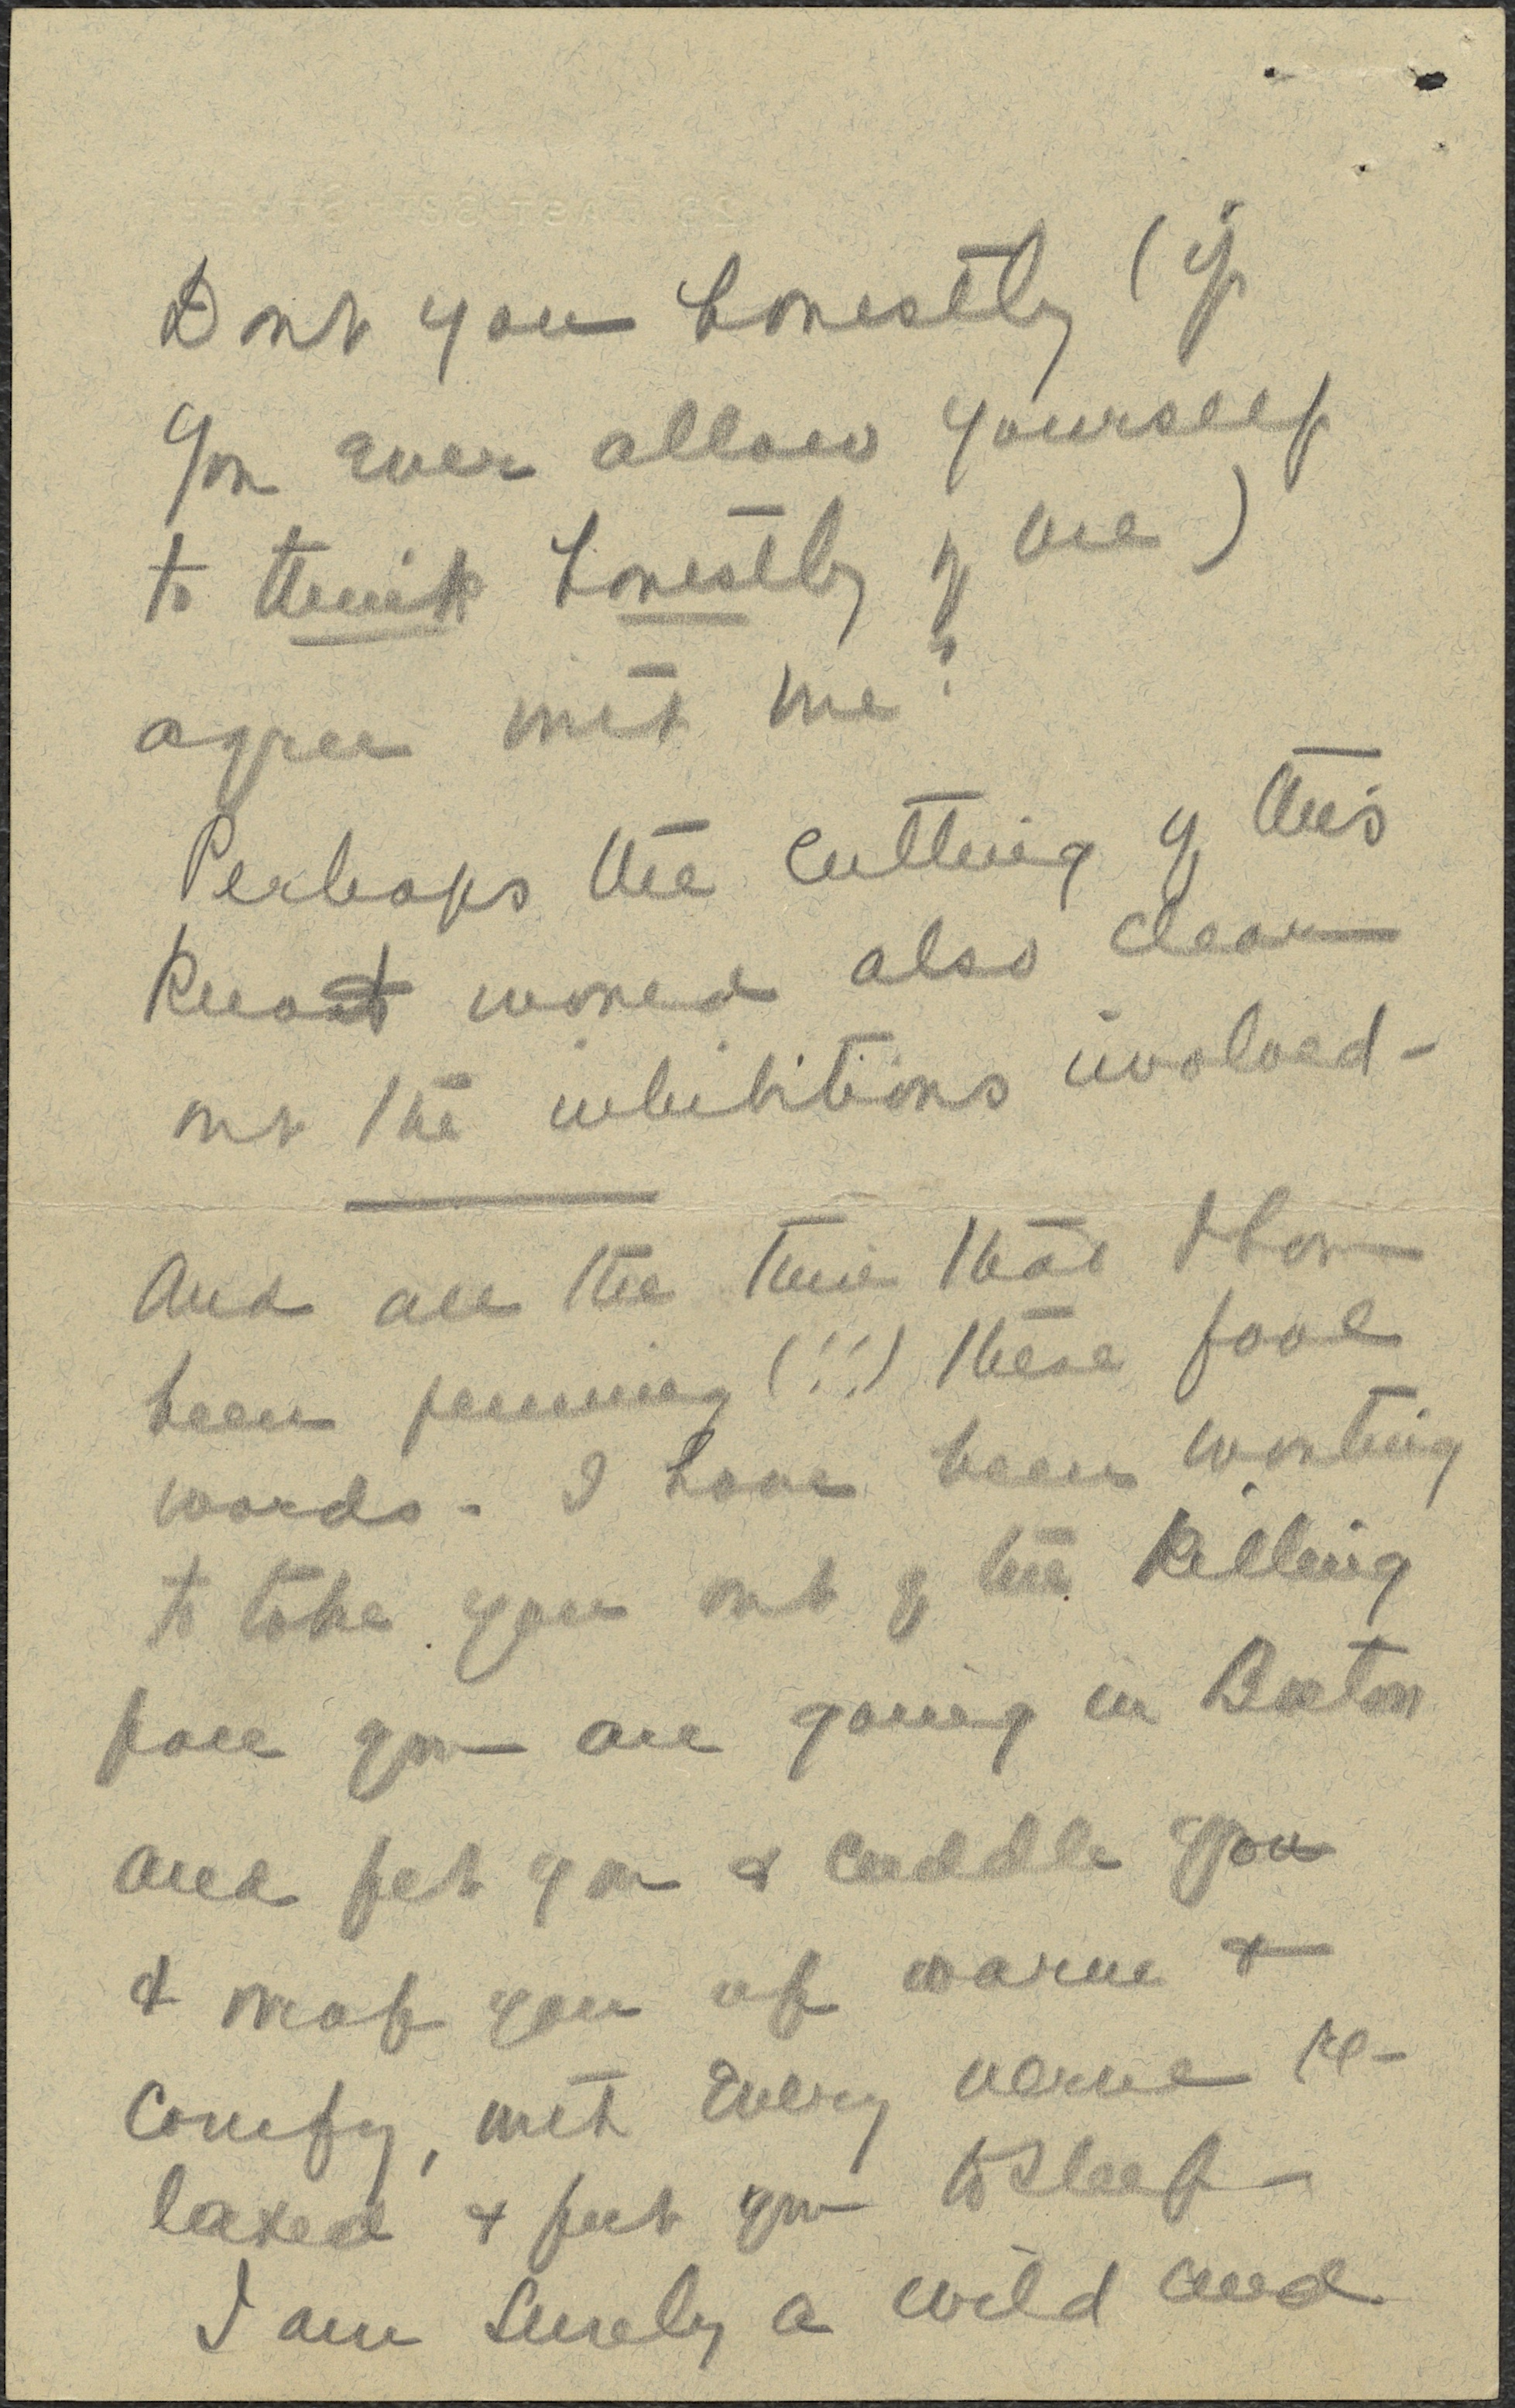Don't you honestly (if you ever allow yourself to think honestly of me) agree with me?
Perhaps the cutting of this knot would also clear out the inhibitions involved –
And all the time that I have been penning (!!) these fool words., I have been wanting to take you out of the killing pace you are going in Boston and pet you & cuddle you & wrap you up warm & comfy, with every nerve relaxed & put you to sleep –
I am surely a wild and